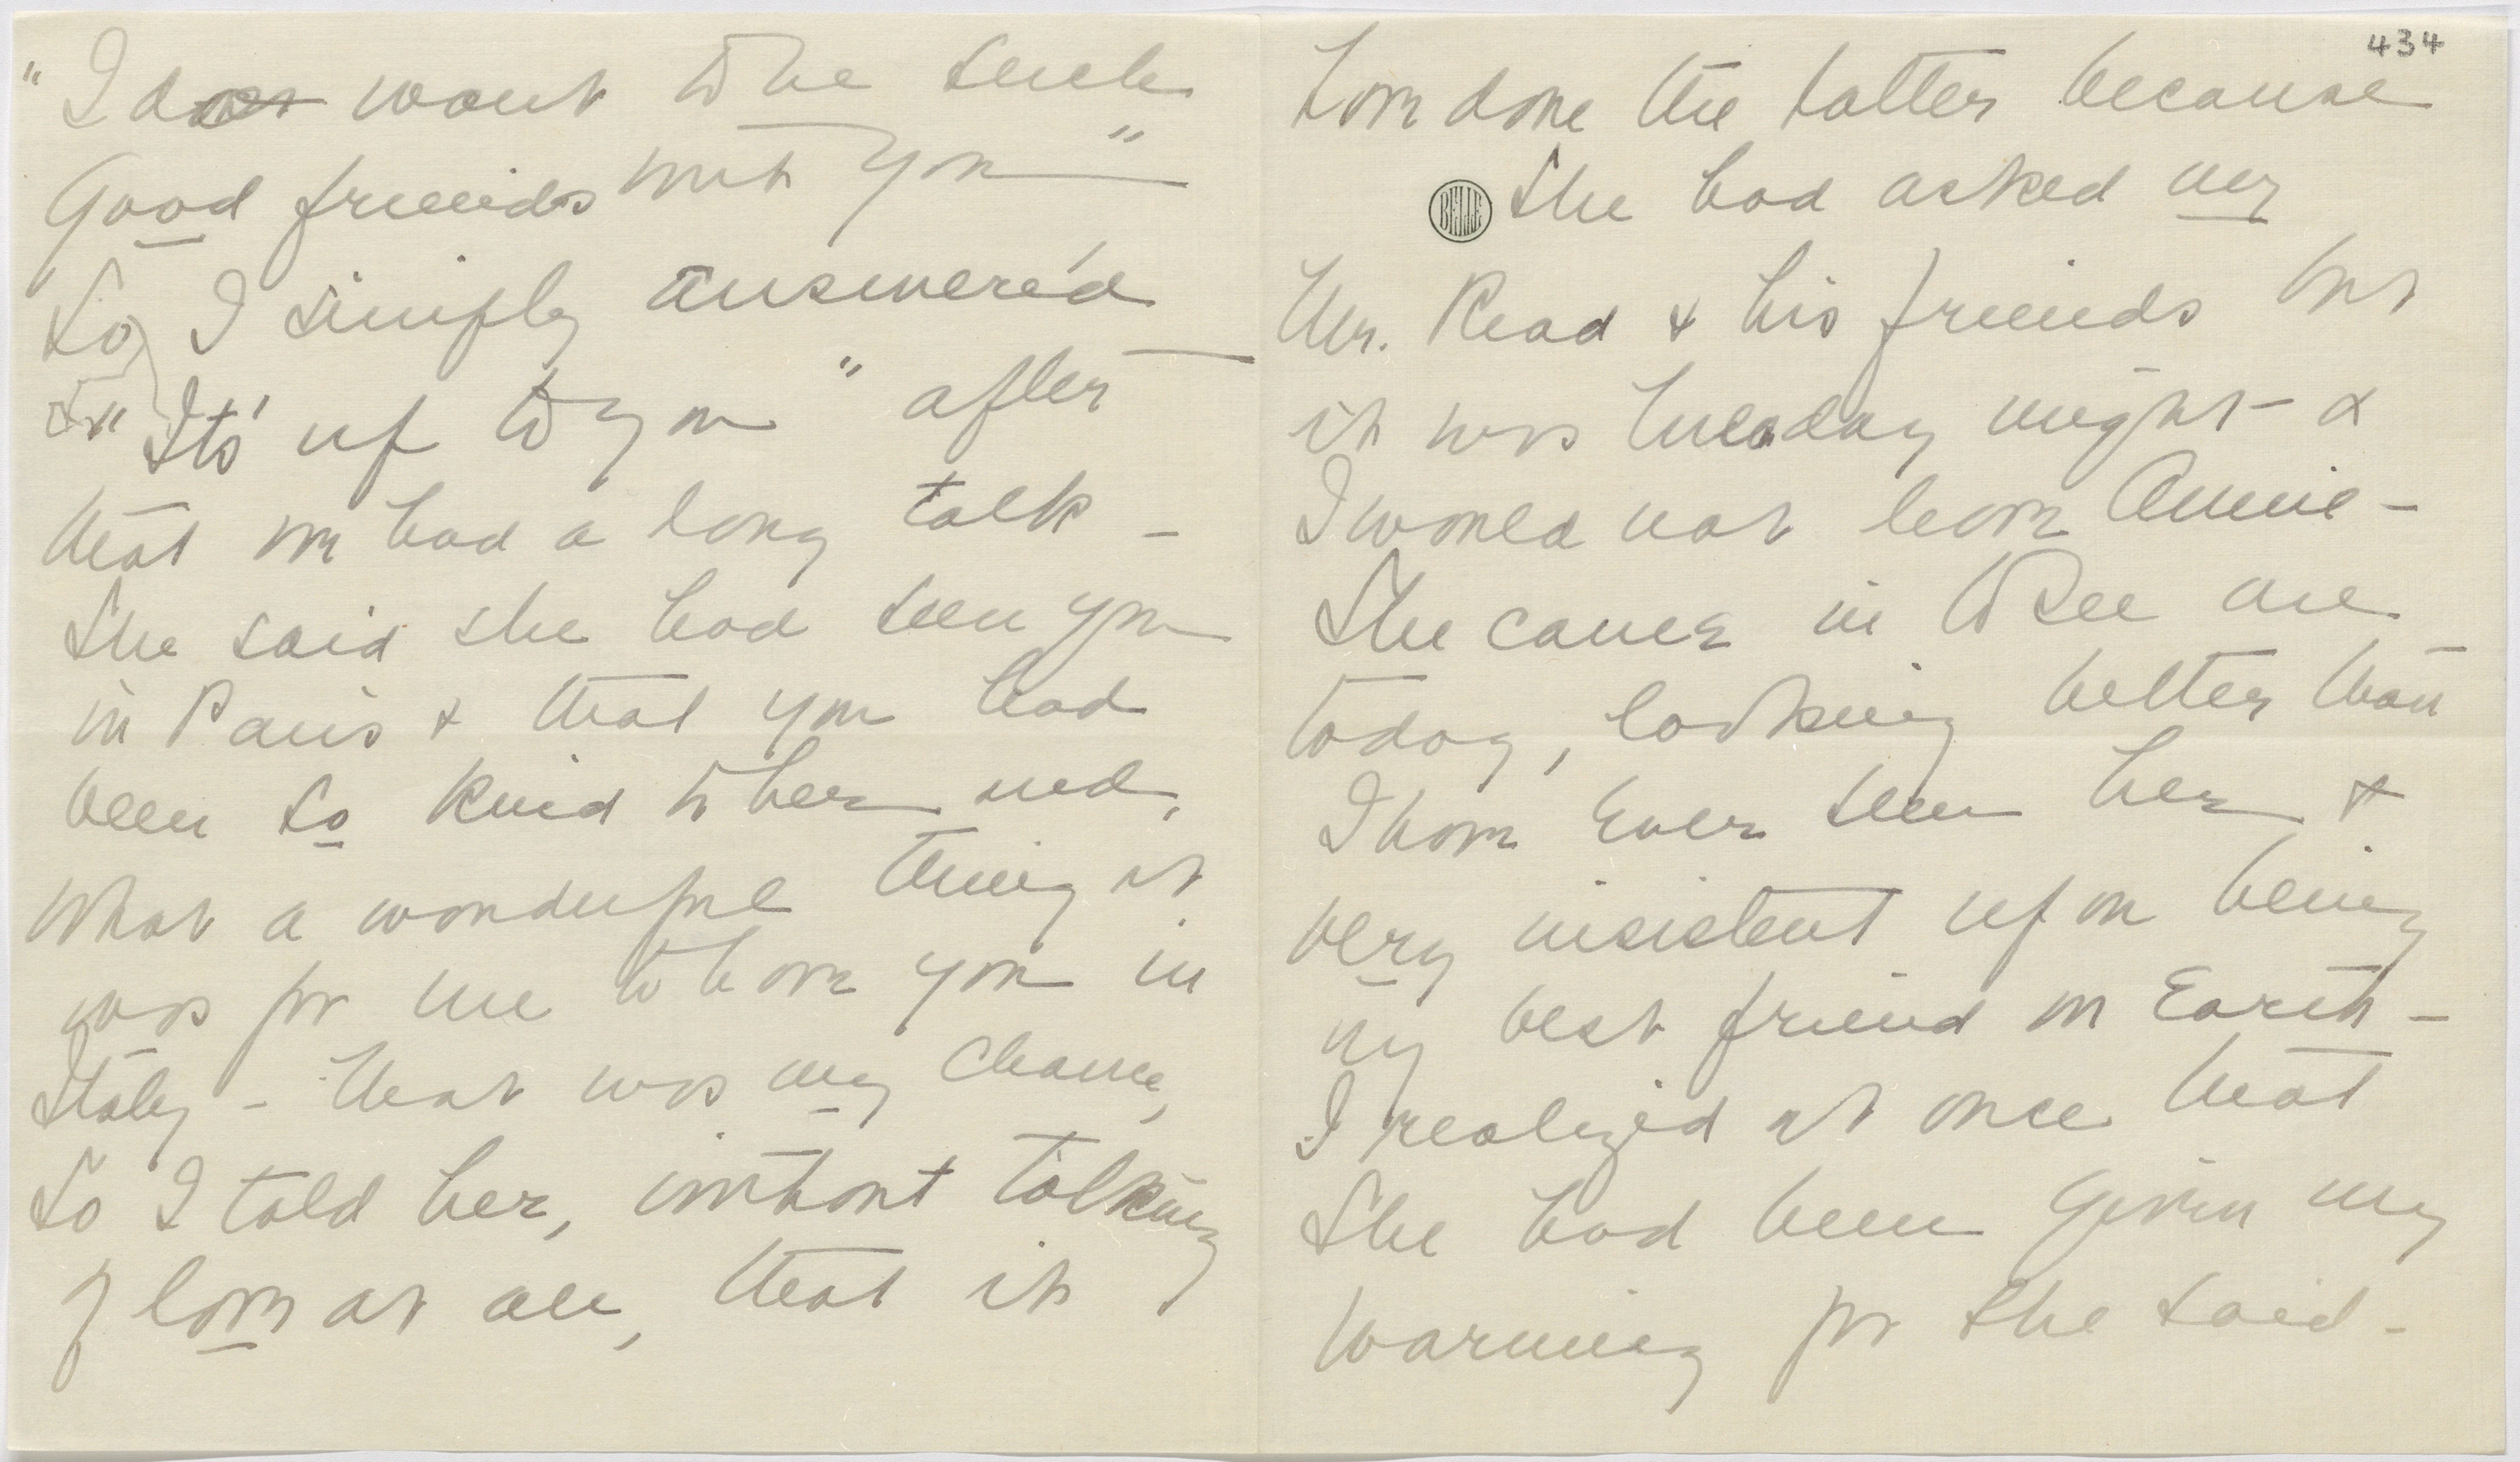have done the latter because she had asked my Mr. Read & his friends but it was Tuesday night & I would not leave Annie –
She came in to see me today, looking better than I have ever seen her & very insistent upon being my best friend on Earth – I realized at once that she had been given my warning for she said –
“I donto want to be such good friends with you” So I simply answered “It’s up to you” after that we had a long talk – She said she had seen you in Paris & that you had been so kind to her and What a wonderful thing it was for me to have you in Italy – That was my chance, so I told her, without talking of love at all, that it